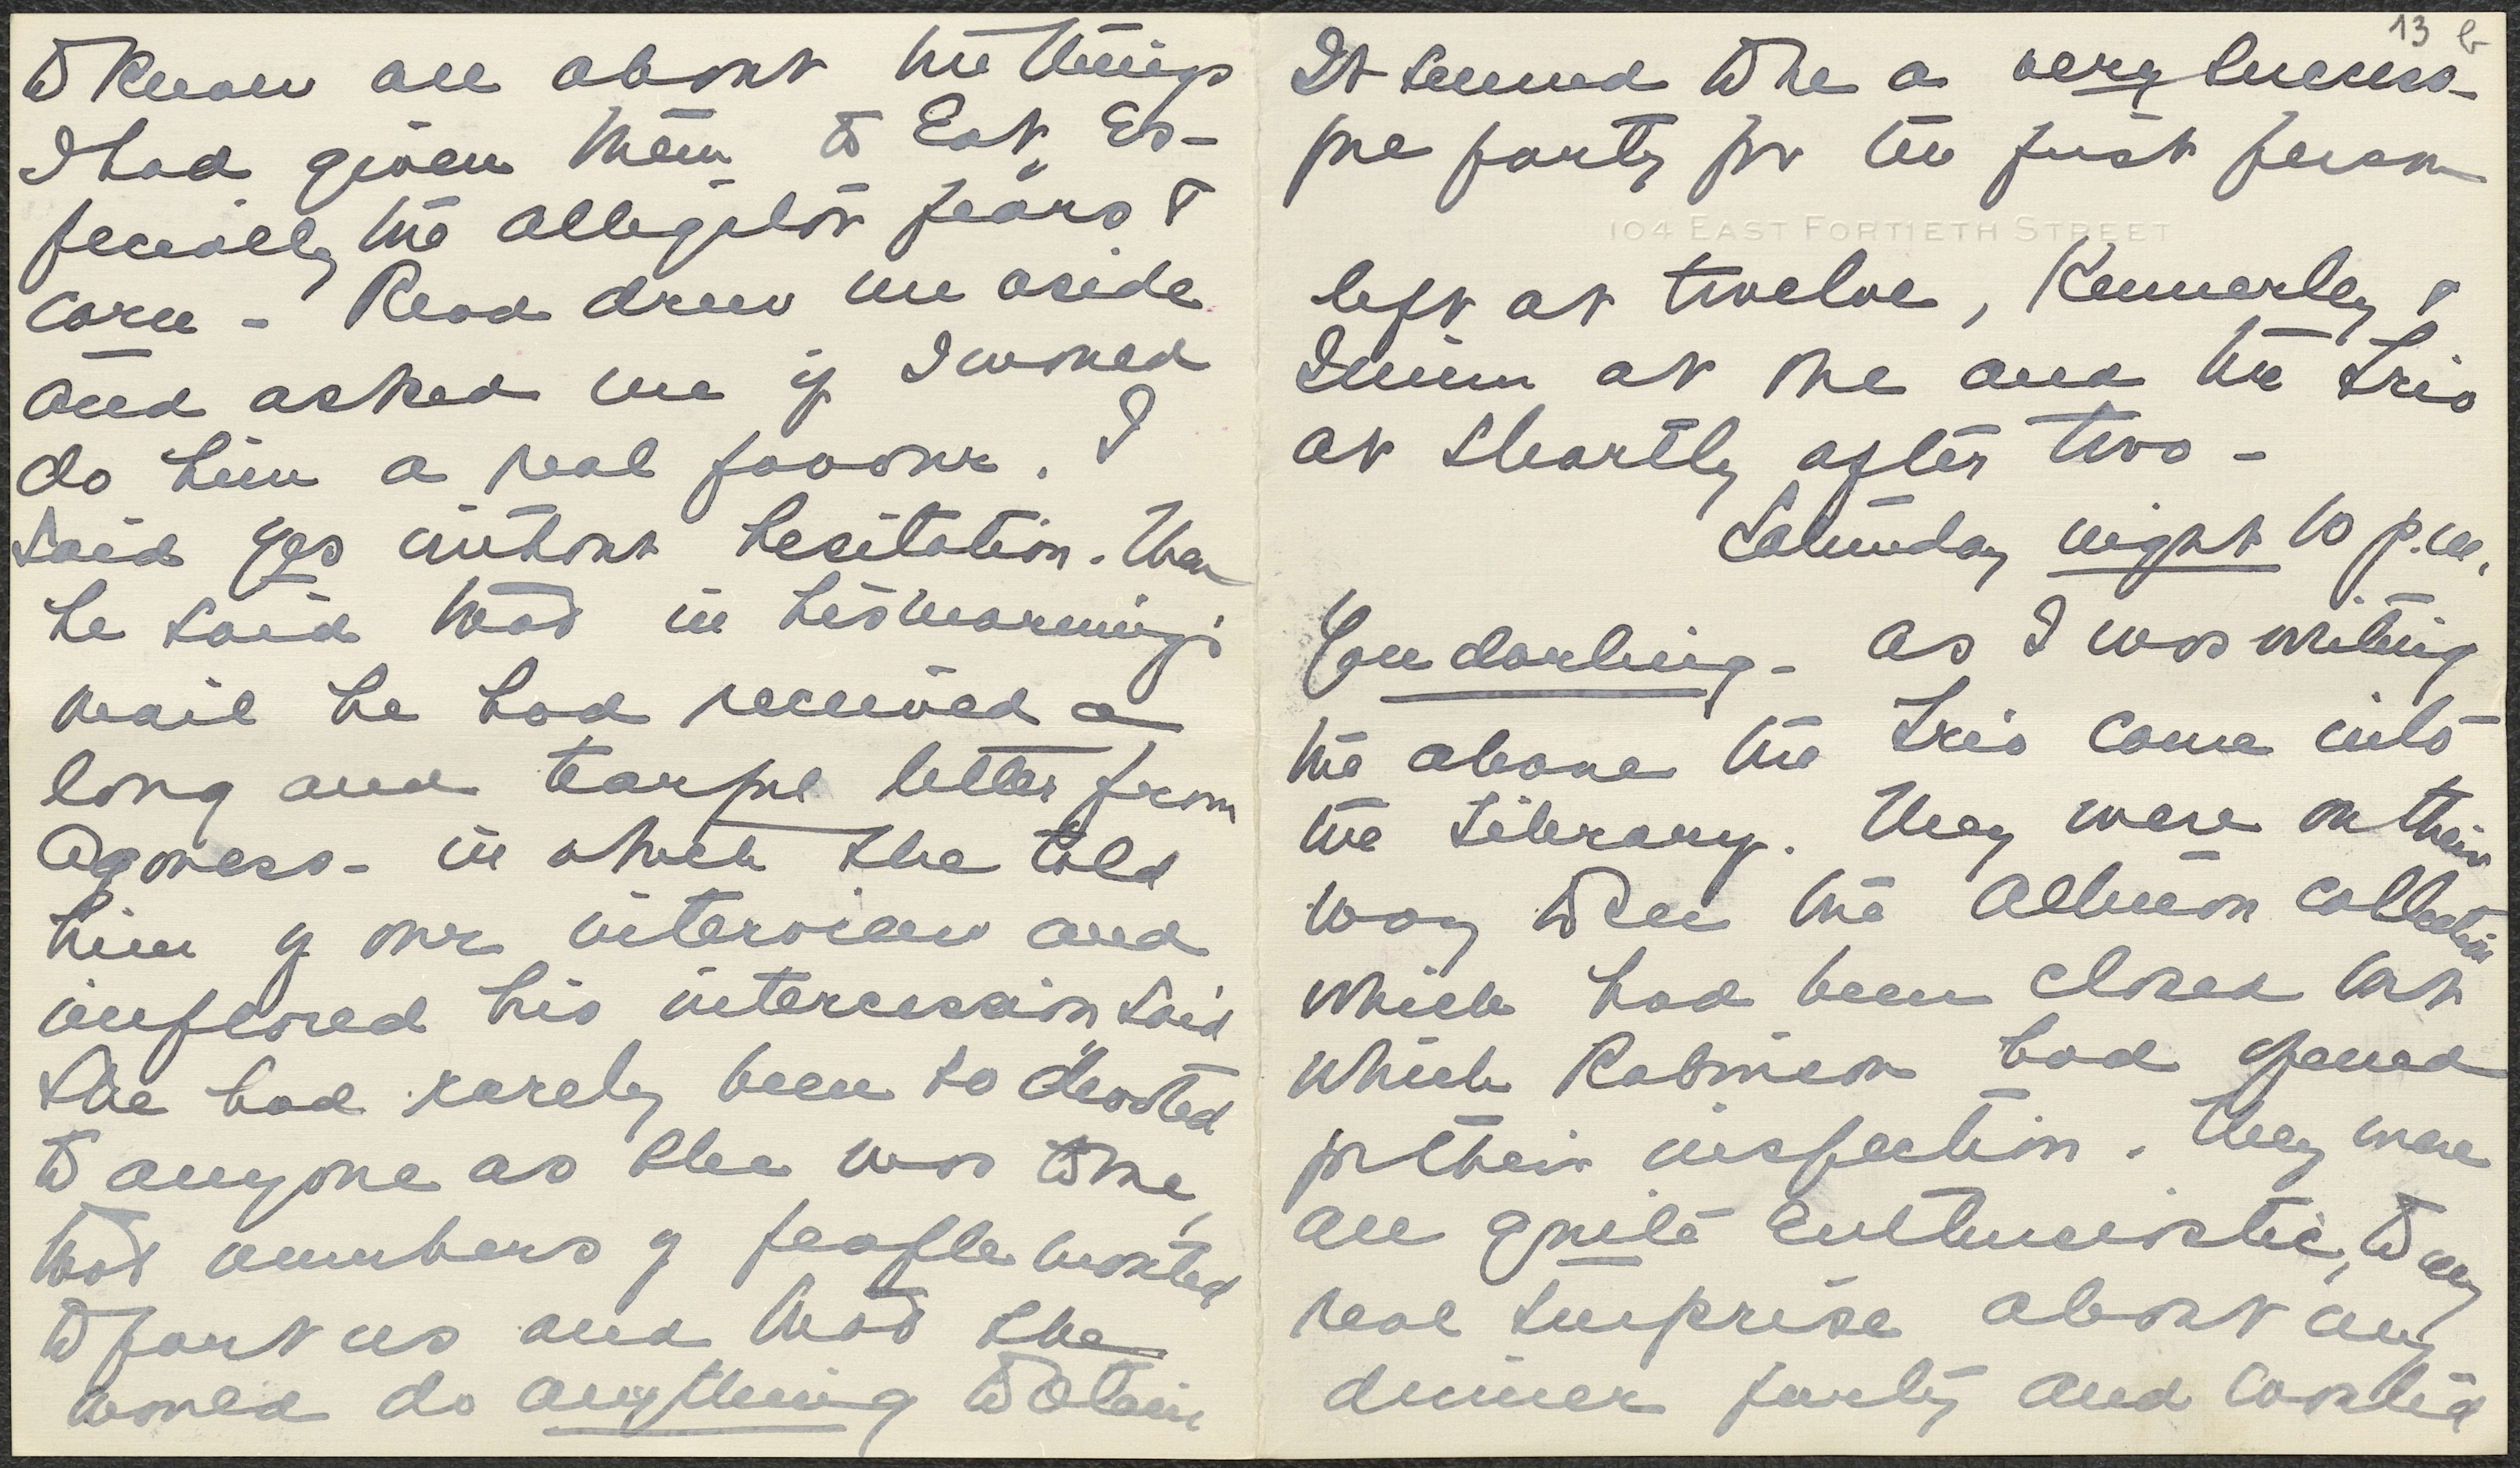It seemed to be a very successful party for the first person left at twelve, Kennerley & Ivins at one and the Trio at shortly after two –
Saturday night 10 p.m.
You darling – as I was writing the above the Trio came into the Library. They were on their way to see the Altman collection which had been closed but which Robinson had opened for their inspection. They were all quite enthusiastic, to my real surprise about my dinner party and wanted
to know all about the things I have given them to eat, especially the alligator pears & corn – Read drew me aside and asked me if I would do him a real favour. I said yes without hesitation. Then he said that in his morning's mail he had received a long and tearful letter from Agoness – in which she told him of our interview and implored his intercession said she had rarely been so devoted to anyone as she was to me, that numbers of people wanted to part us and that she would do anything to retain